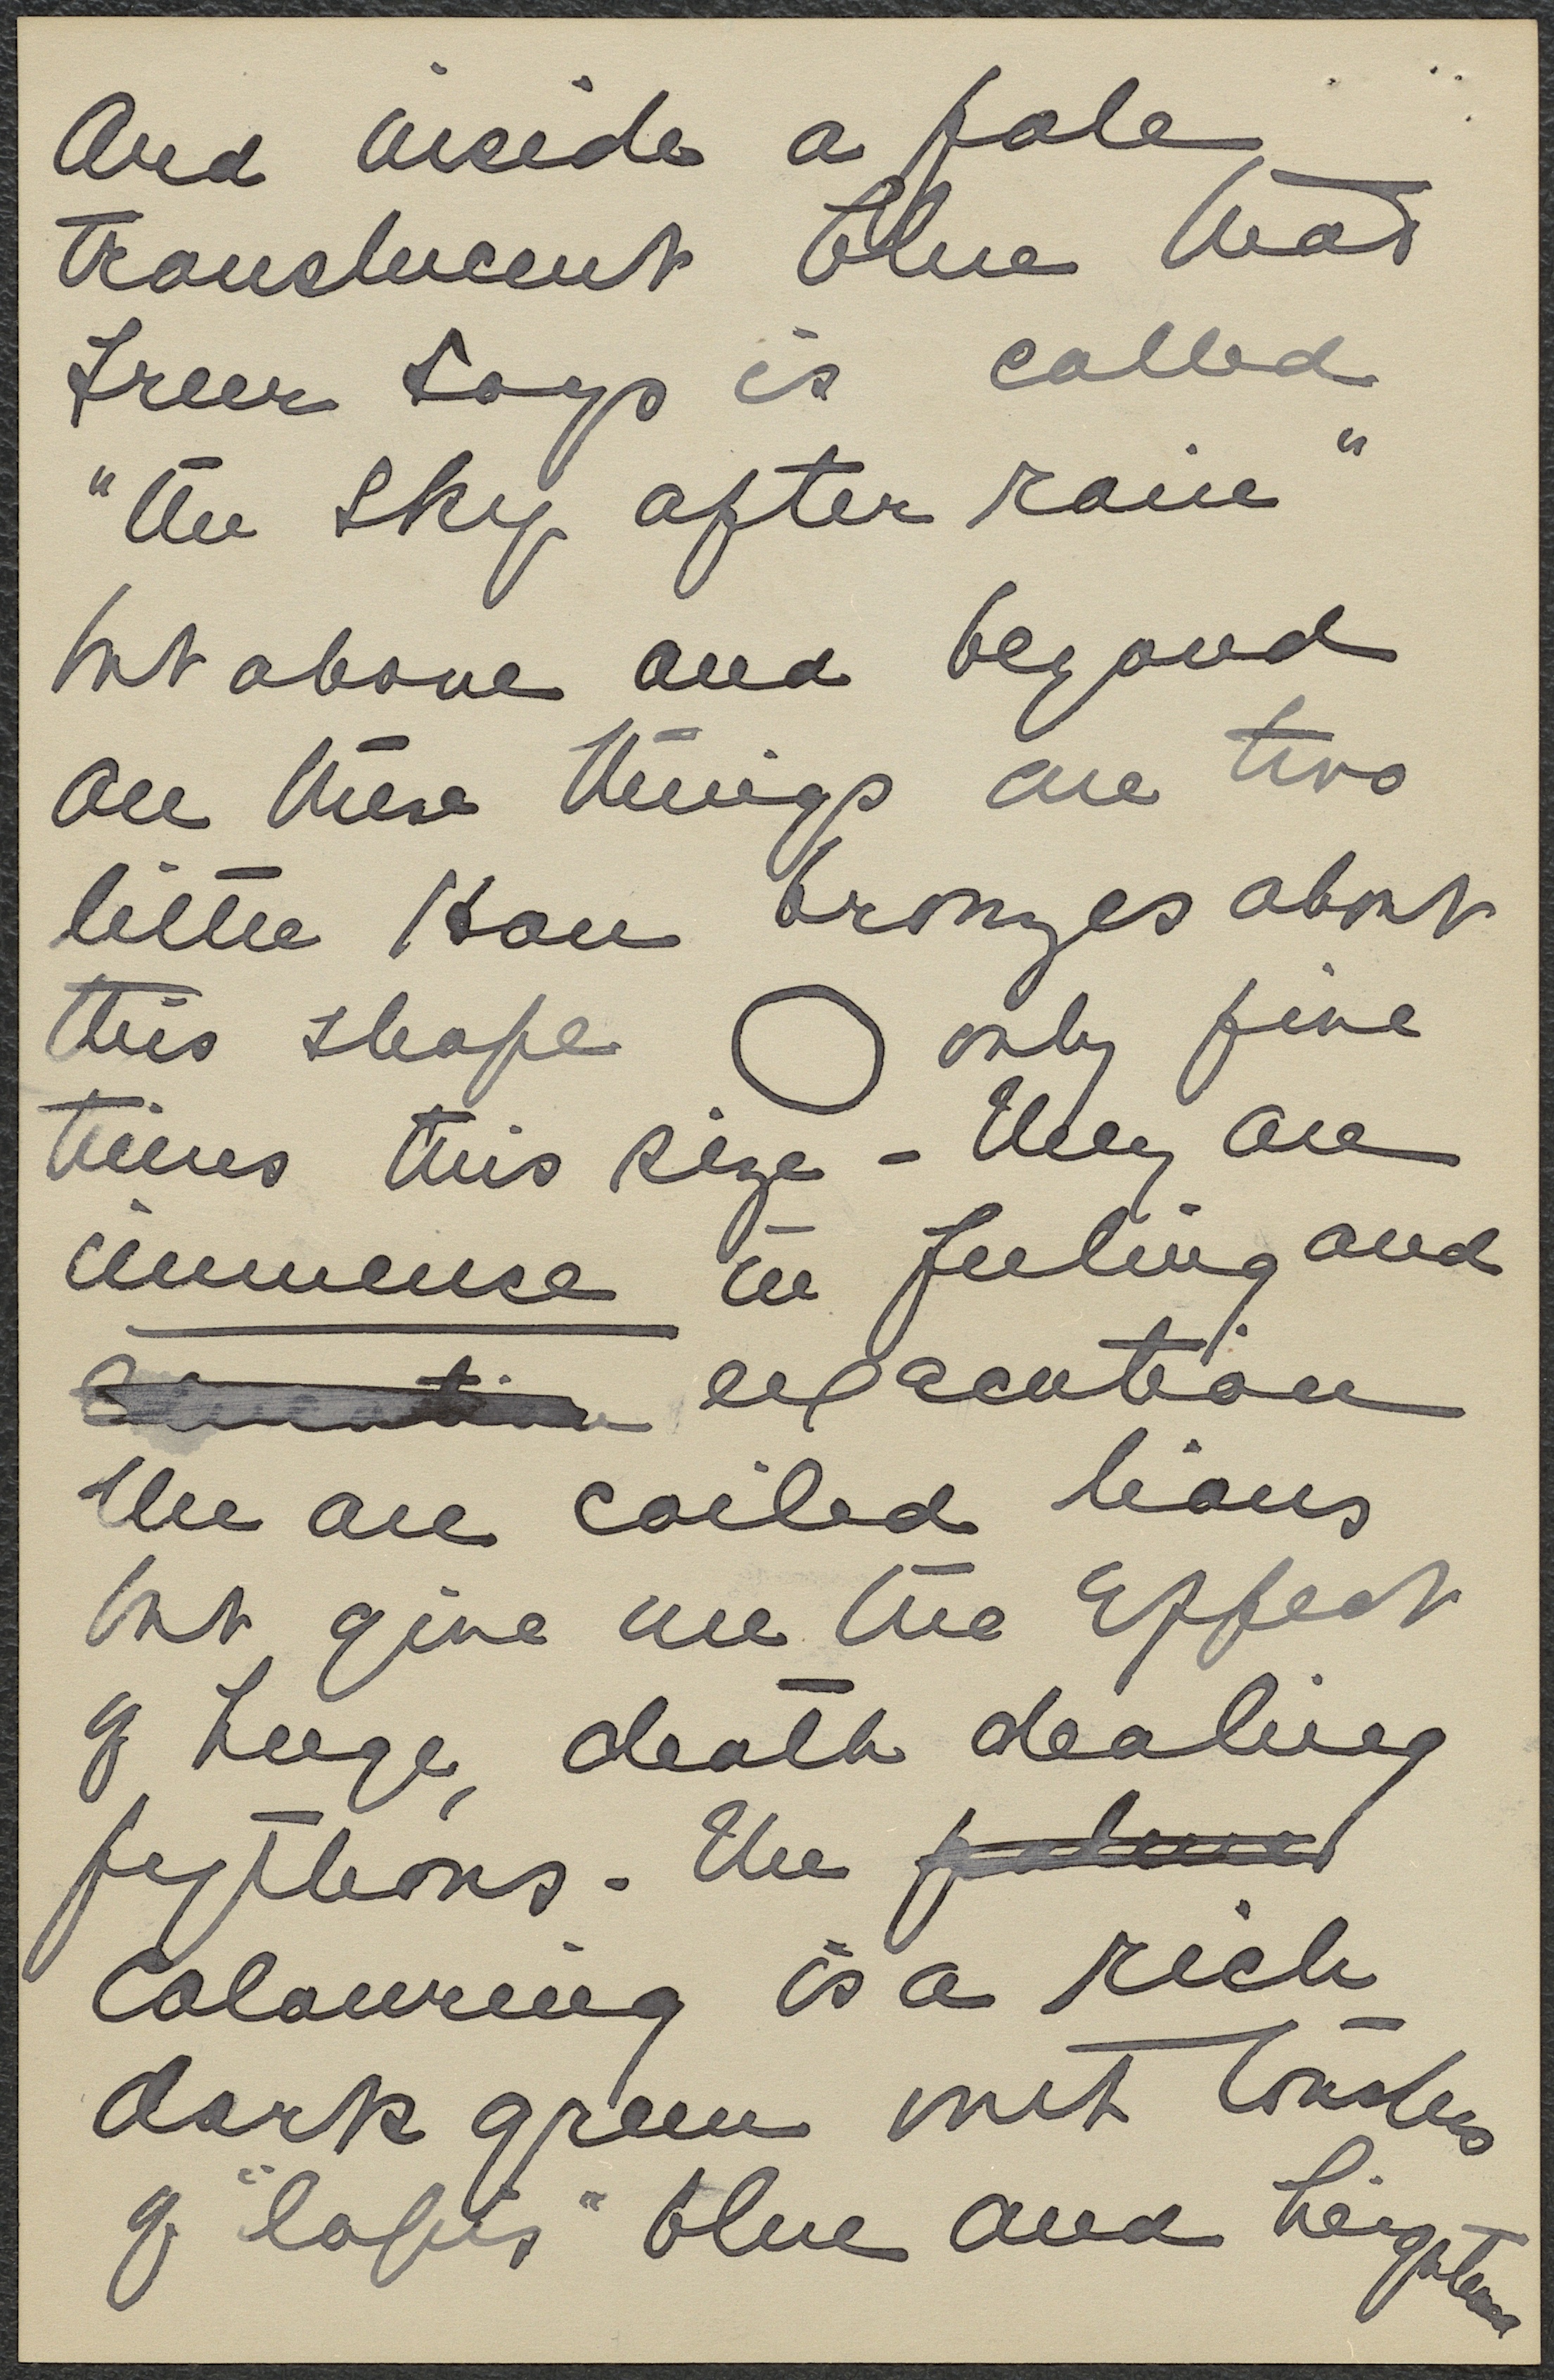And inside a pale translucent blue that Freer says is called “the sky after rain” but above and beyond all these things are two little Han bronzes about this shape O only five time this size – they are immense in feeling and education execution The [sic] are coiled lions but give me the effect of huge, death dealing pythons – The [illegible deletion] colouring is a rich dark green with touches of “lapis” blue and heightened